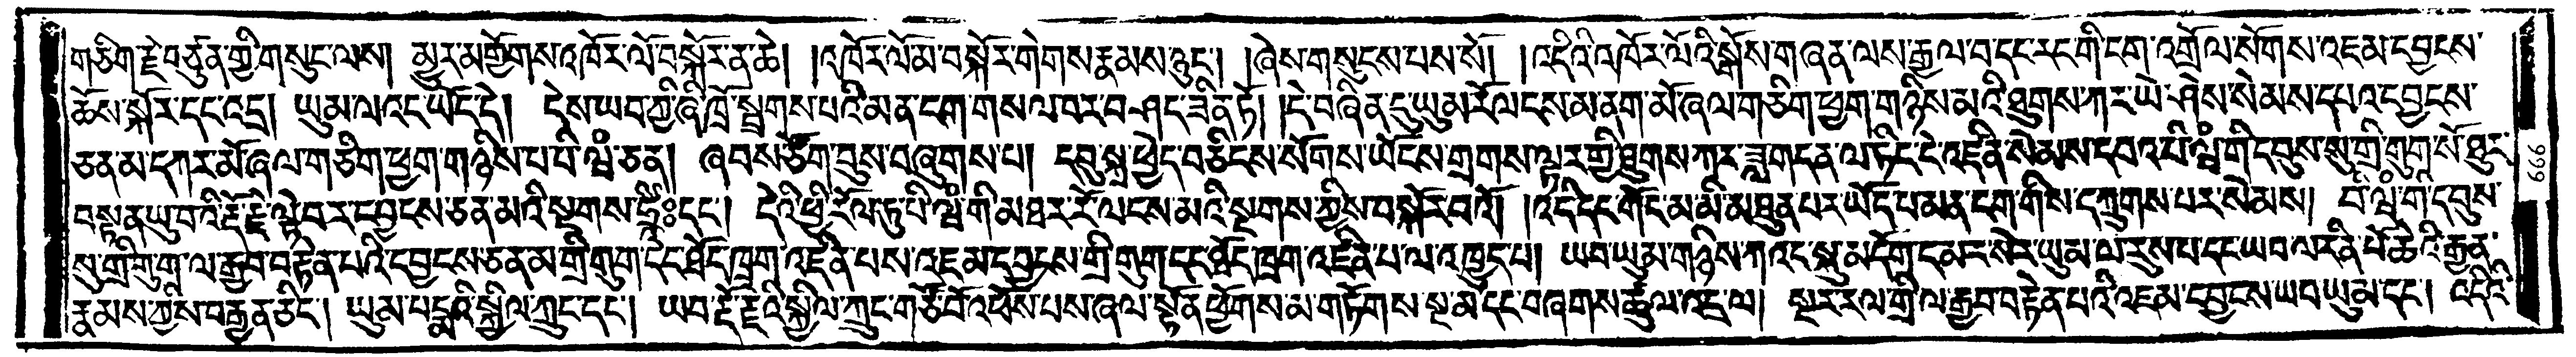གཅིག་རྗེ་བཙུན་གྱི་གསུང་ལས། མྱུར་མགྱོགས་འཁོར་ལོ་བསྐོར་ན་ཆེ། །འཁོར་ལོ་མ་བསྐོར་གེགས་རྣམས་ཉུང་། །ཞེས་གསུངས་པས་སོ། །འདིའི་འཁོར་ལོའི་སྒོས་གཞན་ལས་རྒྱལ་བ་དང་རང་གི་ངག་འགྲོལ་སོགས་འཇམ་དབྱངས་
ཆོས་སྐོར་དང་འདྲ། ཡུམ་ལའང་ཡོད་དེ། དེས་ཡབ་ཀྱི་ཞི་ཁྲོ་སྦྲགས་པའི་མན་ངག་གསལ་བར་བཤད་ཟིན་ཏོ། །དེ་བཞིན་དུ་ཡུམ་རོ་ལངས་མ་ནག་མོ་ཞལ་གཅིག་ཕྱག་གཉིས་མའི་ཐུགས་ཀར་ཡེ་ཤེས་སེམས་དཔའ་དབྱངས་
ཅན་མ་དཀར་མོ་ཞལ་གཅིག་ཕྱག་གཉིས་པ་པི་ཝཾ་ཅན། ཞབས་ཙོག་བུས་བཞུགས་པ། དབུ་སྐྲ་ཕྱེད་བཅིངས་སོགས་ཡོངས་གྲགས་ལྟར་གྱི་ཐུགས་ཀར་ཟླ་གདན་ལ་ཏིང་ངེ་འཛིན་སེམས་དཔའ་པི་ཝཾ་གི་དབུས་སུ་གྲི་གུག་སོ་ཐུར་
བསྟན་ཡུ་བའི་རྡོ་རྗེ་ལྟེ་བར་དབྱངས་ཅན་མའི་སྔགས་ཧྲཱིཿདང་། དེའི་ཕྱི་རོལ་ཏུ་པི་ཝཾ་གི་མཐར་རོ་ལངས་མའི་སྔགས་ཀྱིས་བསྐོར་བའོ། །འདི་དང་གོང་མ་མི་མཐུན་པར་ཡོད་པ་མན་ངག་གིས་དཀྲུགས་པར་སེམས། པི་ཝཾ་གི་དབུས་
སུ་གྲི་གུག་ལ་རྒྱབ་བརྟེན་པའི་དབྱངས་ཅན་མ་གྲི་གུག་དང་ཐོད་ཁྲག་འཛིན་པས་འཇམ་དབྱངས་གྲི་གུག་དང་ཐོད་ཁྲག་འཛིན་པ་ལ་འཁྱུད་པ། ཡབ་ཡུམ་གཉིས་ཀའང་སྐུ་མདོག་དམར་སེར་ཡུམ་ལ་རུས་པ་དང་ཡབ་ལ་རིན་པོ་ཆེའི་རྒྱན་
རྣམས་ཀྱིས་བརྒྱན་ཅིང་། ཡུམ་པདམའི་སྐྱིལ་ཀྲུང་དང་། ཡབ་རྡོ་རྗེའི་སྐྱིལ་ཀྲུང་གཙོ་བོ་འཕོས་པས་ཞལ་སྟོན་ཕྱོགས་མ་གཏོགས་སྔ་མ་དང་བཞགས་ཚུལ་འདྲ་ལ། སྔར་རལ་གྲི་ལ་རྒྱབ་བརྟེན་པའི་འཇམ་དབྱངས་ཡབ་ཡུམ་དང་། འདིའི་